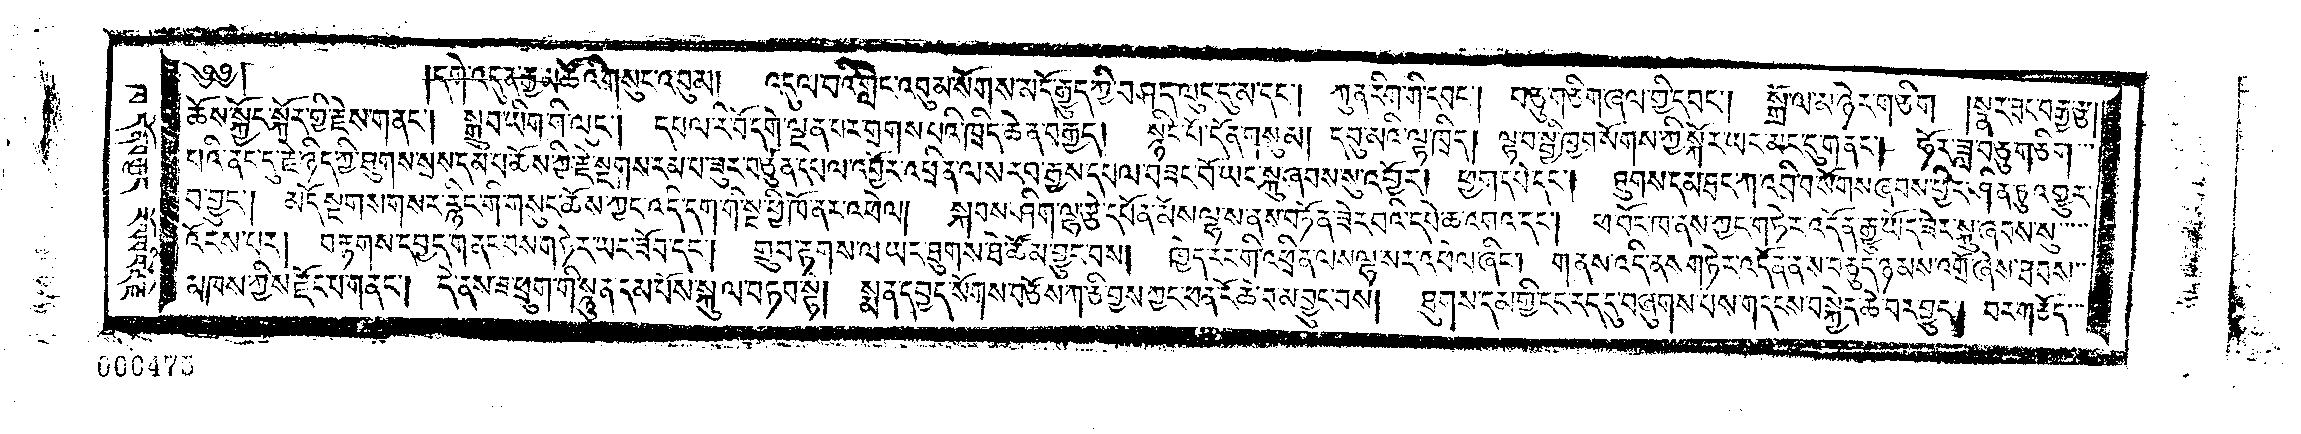༄༅། །དགེ་འདུན་རྒྱ་མཚོའི་གསུང་འབུམ། འདུལ་བའི་གླེང་འབུམ་སོགས་མདོ་རྒྱུད་ཀྱི་བཤད་ལུང་དུ་མ་དང་། ཀུན་རིག་གི་དབང་། བཅུ་གཅིག་ཞལ་གྱི་དབང་། སྒྲོལ་མ་ཉེར་གཅིག །སྣར་ཐང་བརྒྱ་རྩ་
ཆོས་སྐྱོང་སྐོར་གྱི་རྗེས་གནང་། སྒྲུབ་ཡིག་གི་ལུང་། དཔལ་རི་བོ་དགེ་ལྡན་པར་གྲགས་པའི་ཁྲིད་ཆེན་བརྒྱད། སྙིང་པོ་དོན་གསུམ། དབུ་མའི་ལྟ་ཁྲིད། ལྟ་བ་སྤྱི་ཁྱབ་སོགས་ཀྱི་སྐོར་ཡང་མང་དུ་གནང་། ཧོར་ཟླ་བཅུ་གཅིག་
པའི་ནང་དུ་རྗེ་ཉིད་ཀྱི་ཐུགས་སྲས་དམ་པ་ཆོས་ཀྱི་རྗེ་སྔགས་རམ་པ་ཟུར་བཙུན་དཔལ་འབྱོར་འཕྲིན་ལས་རབ་རྒྱས་དཔལ་བཟང་པོ་ཡང་སྐུ་ཞབས་སུ་འབྱོར། ཕྱག་དཔེ་དང་། ཐུགས་དམ་ཐད་ཀ་འབྲི་བ་སོགས་ཞབས་ཕྱིར་ཤིན་ཏུ་འགྱུར་
བ་བྱུང་། མདོ་སྔགས་གསར་རྙིང་གི་གསུང་ཆོས་ཀྱང་འདི་དག་གི་སྔ་ཕྱི་ཁོ་ནར་འཕེལ། སྐབས་ཤིག་ལྷ་རྩེ་དཔོན་མོས་ལྷ་ས་ནས་བཏོན་ཟེར་བའི་དཔེ་ཆ་འགའ་དང་། ཕ་བོང་ཁ་ནས་ཀྱང་གཏེར་འདོན་རྒྱུ་ཡོད་ཟེར་སྐུ་ཞབས་སུ་
འོངས་པར། བརྟགས་དཔྱད་གནང་བས་གཏེར་ཡང་ཟོབ་དང་། གྲུབ་རྟགས་ལ་ཡང་ཐུགས་ཐེ་ཚོམ་བྱུང་བས། ཁྱེད་རང་གི་འཕྲིན་ལས་ལྷ་སར་འཕེལ་ཞིང་། གནས་འདི་ནས་གཏེར་འདོན་ནས་བཅུད་ཉམས་འགྲོ་ཞེས་ཐབས་
མཁས་ཀྱིས་རྫོད་བ་གནང་། དེ་ནས་ཟ་ཕྲུག་གི་སྙུན་དམ་པོས་སྐུ་ལ་བཏབ་སྟེ། སྨན་དཔྱད་སོགས་བཅོས་ཀ་ཅི་བྱས་ཀྱང་ཕན་ངོ་ཆེ་བ་མ་བྱུང་བས། ཐུགས་དམ་གྱི་དང་རང་དུ་བཞུགས་པས་གདངས་བསྐྱེད་ཆེ་བར་བྱུང་། བར་གཅོད་